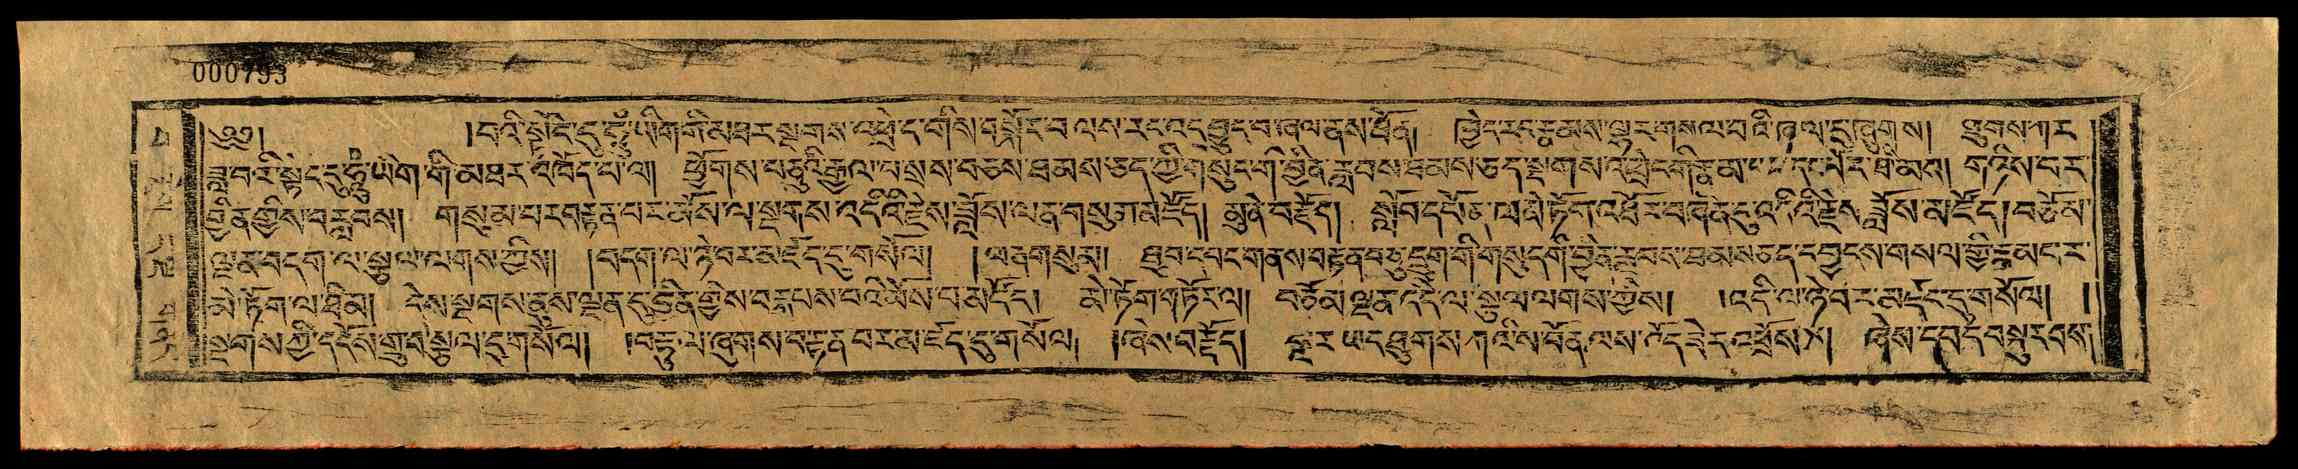༄༅། །བའི་སྟེང་དུ་ཧཱུཾ་ཡིག་གི་མཐར་སྔགས་འཕྲེང་གིས་བསྐོར་བ་ལས་རང་འདྲ་བྱུང་བ་ཞལ་ནས་ཐོན། ཁྱེད་རང་རྣམས་ལྷར་གསལ་བའི་ཞལ་དུ་ཞུགས། ཐུགས་ཀར་
ཟླ་བའི་སྟེང་དུ་ཧཱུཾ་ཡིག་གི་མཐར་འཁོད་པ་ལ། ཕྱོགས་བཅུའི་རྒྱལ་བ་སྲས་བཅས་ཐམས་ཅད་ཀྱི་གསུང་གི་བྱིན་རླབས་ཐམས་ཅད་སྔགས་འཕྲེང་གི་རྣམ་པར་དང་པོར་ཐིམས། གཉིས་པར་
བྱིན་གྱིས་བརླབས། གསུམ་པར་བརྟན་པར་མོས་ལ་སྔགས་འདིའི་རྗེས་ཟློས་ལན་གསུམ་མཛོད། མུ་ནེ་བརྗོད། སློབ་དཔོན་ལ་མེ་ཏོག་འཐོར་བཞིན་དུ་འདིའི་རྗེས་ཟློས་མཛོད། བཅོམ་
ལྡན་བདག་ལ་སྩལ་ལགས་ཀྱིས། །བདག་ལ་ཉེ་བར་མཛད་དུ་གསོལ། །ལན་གསུམ། ཐུབ་དབང་གནས་བརྟན་བཅུ་དྲུག་གི་གསུང་གི་བྱིན་རླབས་ཐམས་ཅད་དབྱངས་གསལ་གྱི་རྣམ་པར་
མེ་ཏོག་ལ་ཐིམ། དེས་སྔགས་ནུས་ལྡན་དུ་བྱིན་གྱིས་བརླབས་པའི་མོས་པ་མཛོད། མེ་ཏོག་གཏོར་ལ། བཅོམ་ལྡན་འདི་ལ་སྩལ་ལགས་ཀྱིས། །འདི་ལ་ཉེ་བར་མཛད་དུ་གསོལ། །
སྔགས་ཀྱི་དངོས་གྲུབ་སྩལ་དུ་གསོལ། །བརྟུལ་ཞུགས་བརྟན་པར་མཛད་དུ་གསོལ། །ཞེས་བརྗོད། སླར་ཡང་ཐུགས་ཀའི་ས་བོན་ལས་འོད་ཟེར་འཕྲོས་྾། ཞེས་དབང་བསྐུར་བས།